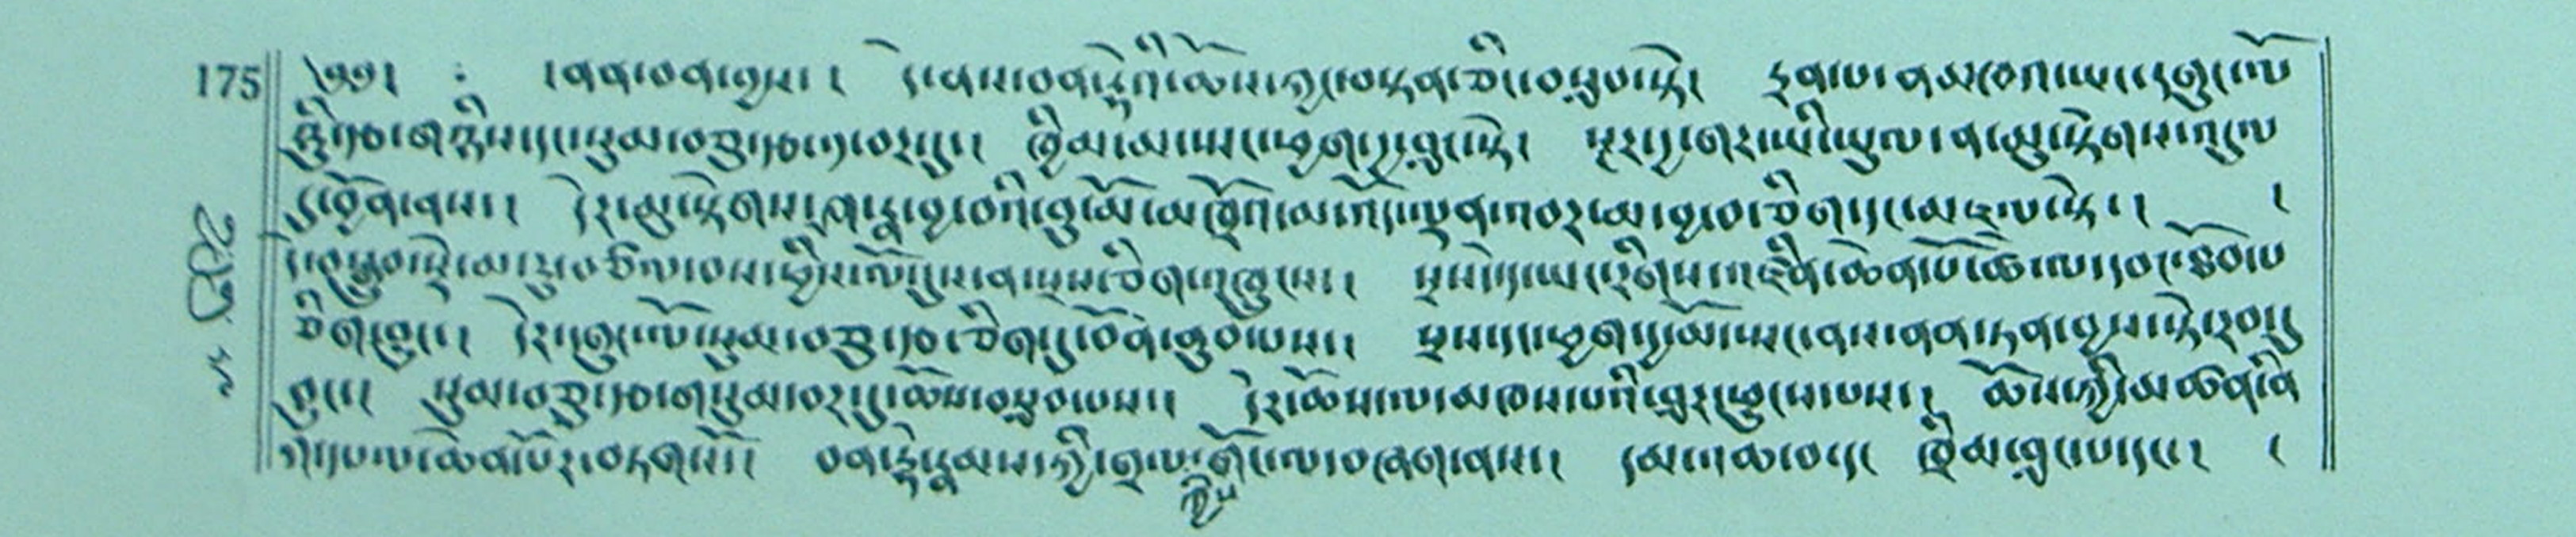༄༅། །ནན་བན་བྱས། དེ་ནས་བན་དྷེ་ཆོས་ཀྱང་བསྟན་ཅིང་བསླབས་ཏེ། དྲན་པ་ནམ་མཁའ་ཡང་དགུང་ལོ་
ཉི་ཤུ་རྩ་གཉིས་དང་སུམ་བཅུ་རྩ་གཅིག་བར་དུ། ཁྱིམ་མ་སྤང་པར་ཕྱག་རྒྱ་བླང་སྟེ། སྔར་རྒྱ་གར་གྱི་ཡུལ་ན་མུ་སྟེགས་འདུལ་
དུ་བྱོན་ནས། དེར་མུ་སྟེགས་ཤ་རྣ་བྱ་བའི་བུ་མོ་མཁའ་འགྲོ་མ་འོད་ལྡན་འབར་མ་བྱ་བ་གཅིག་དང་མཇལ་སྟེ། 
དེ་སྒྲུབ་སྡེ་མ་རུ་བཙལ་བས་ཕྱི་ལོ་དུས་ན་སྲས་ཅིག་འཁྲུངས། སྲས་དེ་ཡང་རིགས་འཛིན་ཆེན་པོ་ཚེ་ལ་དབང་ཐོབ་པ་
གཅིག་བྱུང་། དེར་དགུང་ལོ་སུམ་བཅུ་རྩ་གཅིག་ཏུ་བོན་ནུབ་པས། སྲས་དང་ཕྱག་རྒྱ་མོ་སྤང་ནས་ནན་ཏན་བྱས་ཏེ་རབ་ཏུ་
བྱུང་། སུམ་བཅུ་རྩ་གསུམ་བར་དུ་ཆོས་བསླབས་པས། དེར་ཆོས་ལ་མཁས་པའི་བླར་ཕྱུངས་བས། ཆོས་ཀྱི་མཚན་ནི་
ཀ་དཔལ་ཆེན་པོ་བཏགས་སོ། བན་དྷེ་རྣམས་ཀྱི་་གྲལ་གྱིས་གོང་དུ་བཞག་ནས། དམ་བཅའ་བ་དང་། ཁྲིམས་བླངས་པ་དང་།